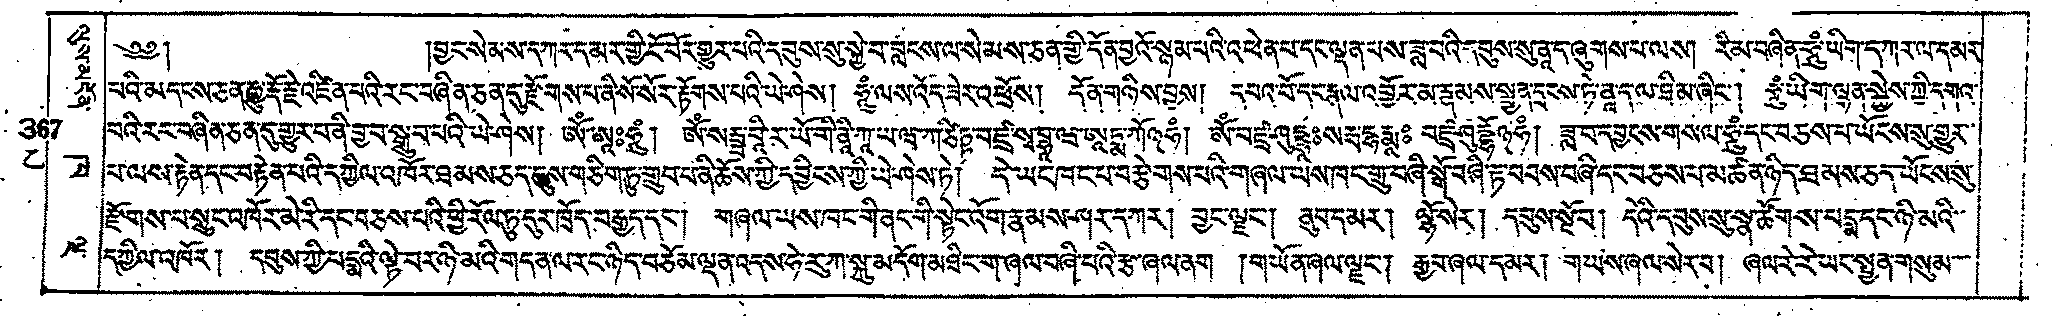༄༅། །བྱང་སེམས་དཀར་དམར་གྱི་ངོ་བོར་གྱུར་པའི་དབུས་སུ་སྐྱེ་བ་བླངས་ལ་སེམས་ཅན་གྱི་དོན་བྱའོ་སྙམ་པའི་འཕེན་པ་དང་ལྡན་པས་ཟླ་བའི་དབུས་སུ་ནཱ་ད་ཞུགས་པ་ལས། རིམ་བཞིན་ཧཱུཾ་ཡིག་དཀར་ལ་དམར་
པའི་མདངས་ཅན་རྒྱུ་རྡོ་རྗེ་འཛིན་པའི་རང་བཞིན་ཅན་དུ་རྫོགས་པ་ནི་སོ་སོར་རྟོགས་པའི་ཡེ་ཤེས། ཧཱུཾ་ལས་འོད་ཟེར་འཕྲོས། དོན་གཉིས་བྱས། དཔའ་བོ་དང་རྣལ་འབྱོར་མ་རྣམས་སྤྱན་དྲངས་ཏེ་ནཱ་ད་ལ་ཐིམ་ཞིང་། ཧཱུཾ་ཡིག་ལྷན་སྐྱེས་ཀྱི་དགའ་
བའི་རང་བཞིན་ཅན་དུ་གྱུར་པ་ནི་བྱ་བ་སྒྲུབ་པའི་ཡེ་ཤེས། ཨོཾ་ཨཱཿཧཱུཾ། ཨོཾ་སརྦྦ་བཱི་ར་ཡོ་གི་ནཱི་ཀཱ་ཡ་ཝ་ཀ་ཙིཏྟ་བཛྲ་སྭ་བྷཱ་ཝ་ཨཱཏྨ་ཀོཉྷཾ། ཨོཾ་བཛྲ་ཤུདྡྷཱཿསརྦ་དྷརྨཱཿབཛྲ་ཤུདྡྷོཉྷཾ། ཟླ་བ་དབྱངས་གསལ་ཧཱུཾ་དང་བཅས་པ་ཡོངས་སུ་གྱུར་་་
པ་ལས་རྟེན་དང་བརྟེན་པའི་དཀྱིལ་འཁོར་ཐམས་ཅད་དུས་གཅིག་ཏུ་གྲུབ་པ་ནི་ཆོས་ཀྱི་དབྱིངས་ཀྱི་ཡེ་ཤེས་ཏེ། དེ་ཡང་ཁང་པ་བརྩེགས་པའི་གཞལ་ཡས་ཁང་གྲུ་བཞི་སྒོ་བཞི་རྟ་བབས་བཞི་དང་བཅས་པ་མཚན་ཉིད་ཐམས་ཅད་ཡོངས་སུ་
རྫོགས་པ་སྲུང་འཁོར་མེ་རི་དང་བཅས་པའི་ཕྱི་རོལ་ཏུ་དུར་ཁྲོད་བརྒྱད་དང་། གཞལ་ཡས་ཁང་གི་ནང་གི་སྟེང་འོག་རྣམས་ཤར་དཀར། བྱང་ལྗང་། ནུབ་དམར། ལྷོ་སེར། དབུས་སྔོ་བ། དེའི་དབུས་སུ་སྣ་ཚོགས་པདམ་དང་ཉི་མའི་་་
དཀྱིལ་འཁོར། དབུས་ཀྱི་པདམའི་ལྟེ་བར་ཉི་མའི་གདན་ལ་རང་ཉིད་བཅོམ་ལྡན་འདས་ཧེ་རུ་ཀ་སྐུ་མདོག་མཐིང་ག་ཞལ་བཞི་པའི་རྩ་ཞལ་ནག །གཡོན་ཞལ་ལྗང་། རྒྱབ་ཞལ་དམར། གཡས་ཞལ་སེར་བ། ཞལ་རེ་རེ་ཡང་སྤྱན་གསུམ་་་